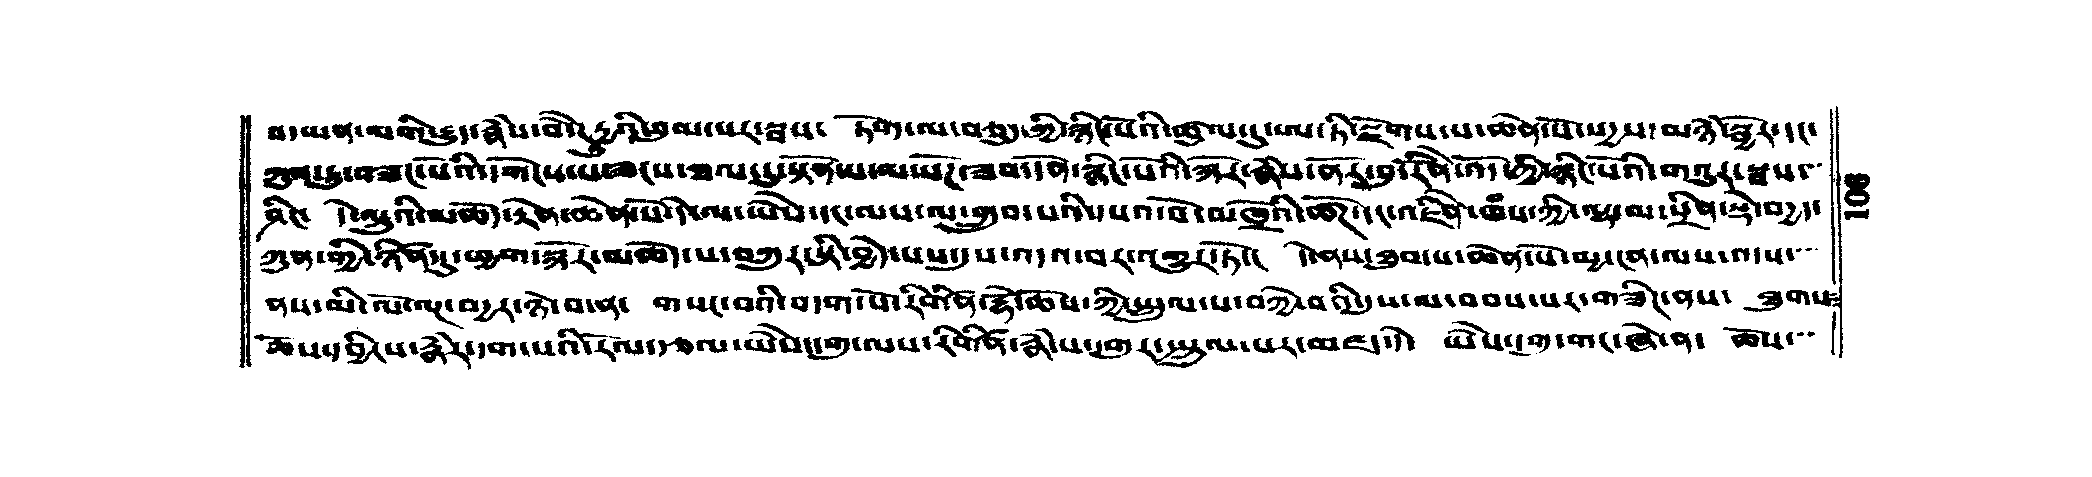བ་ཡན་ལག་གི་རྒྱུད་རྣམས་བཻ་ཌཱུརྻའི་བུམ་པར་སྦས། ཏོག་ལ་བཅུད་ཀྱི་སྙིང་པོའི་ཚུལ་དུ་ཨ་ཏི་རྫོགས་པ་ཆེན་པོ་སངས་རྒྱས་མཉམ་སྦྱོར་དང་། 
ཀུན་ཏུ་བཟང་པོའི་དགོངས་ཟངས་ཐམ་དུ་སྟོན་པ་ལ་སོགས་ཟབ་དོན་སྙིང་པོའི་སྐོར་རྣམས་ནོར་བུ་རིན་པོ་ཆེ་འོད་ཀྱི་སྙིང་པོའི་གའུར་སྦས་
ཤིང་། དེ་ལྟ་བུའི་མཆོད་རྟེན་ཆེན་པོ་དེ་ལ་ཡེ་ཤེས་དང་ལས་ལ་གྲུབ་པའི་དཔའ་བོ་མཁའ་འགྲོའི་ཚོགས་དག་འཇིག་རྟེན་ཁམས་ཀྱི་ལྷ་མ་སྲིན་སྡེ་བརྒྱད་
ཀུན་གྱི་ཉིན་མཚན་དུ་ཕྱག་སྐོར་མཆོད་པ་བཀུར་སྟི་བྱེད་པས་དུས་འདའ་བར་འགྱུར་ཏོ། དེ་ནས་ཐུབ་པ་ཆེན་པོ་མྱ་ངན་ལས་འདས་
ནས་མི་ལོ་ལྔ་བརྒྱར་ཉེ་བ་ན།གསང་བའི་བདག་པོ་རིག་འཛིན་རྡོ་རྗེ་ཆོས་ཀྱི་སྤྲུལ་པ་བཀྱེ་བའི་དུས་ལ་བབས་པར་གཟིགས་ནས། ཐུགས་
ཆོས་དབྱིངས་རྣམ་པར་དག་པའི་རོལ་རྩལ་ཡེ་ཤེས་དགུ་ལས་རིག་འཛིན་རྣམ་པ་དགུར་སྤྲུལ་པར་མཛད་དེ། ཡེ་ཤེས་དགུ་གང་ཞེ་ན། ཆོས་